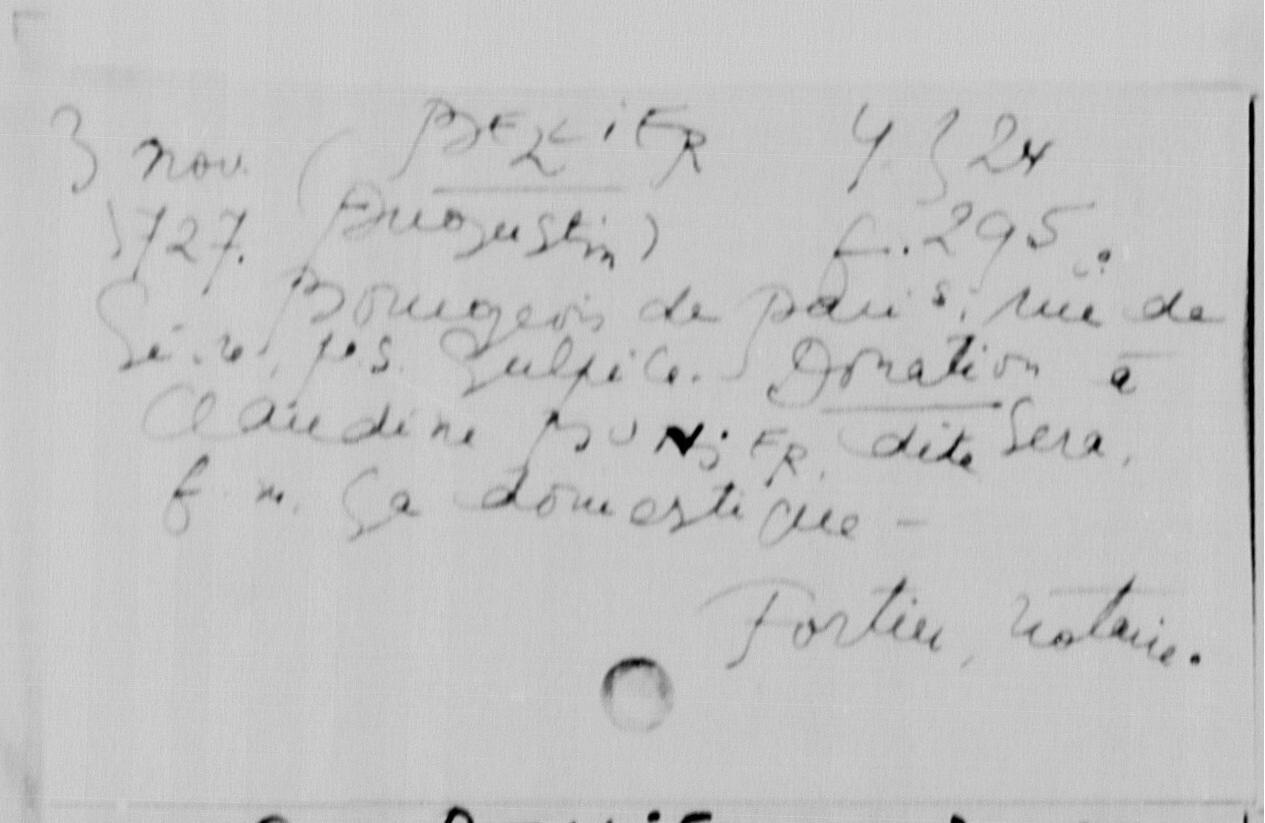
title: BELLIER (Augustin)
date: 1727
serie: Y
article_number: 324
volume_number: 295
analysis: Bourgeois de Paris, rue de Sèvre, paroisse Saint-Sulpice. Donation à Claudine MUNIER, dite Sera, fille majeure, sa domestique. Fortin, notaire.
